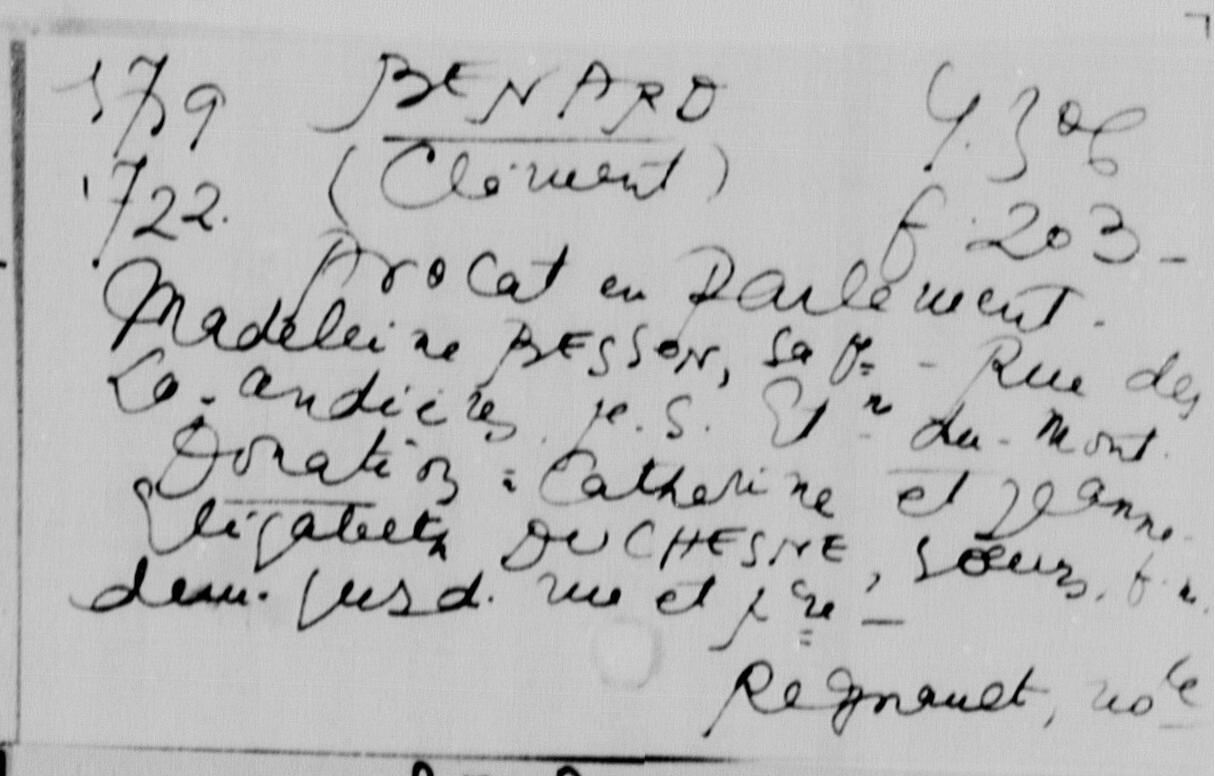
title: BENARD (Clément)
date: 1719-1722
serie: Y
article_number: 306
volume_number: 203
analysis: Avoat en Parlement. Madeleine BESSON, sa femme. Rue des Lavandières, paroisse Saint-Étienne du Mont. Donation à Catherine et Jeanne-Elizabeth DUCHESNE, sœurs, filles majeures demeurant susdites rue et paroisse. Regnault, notaire.
